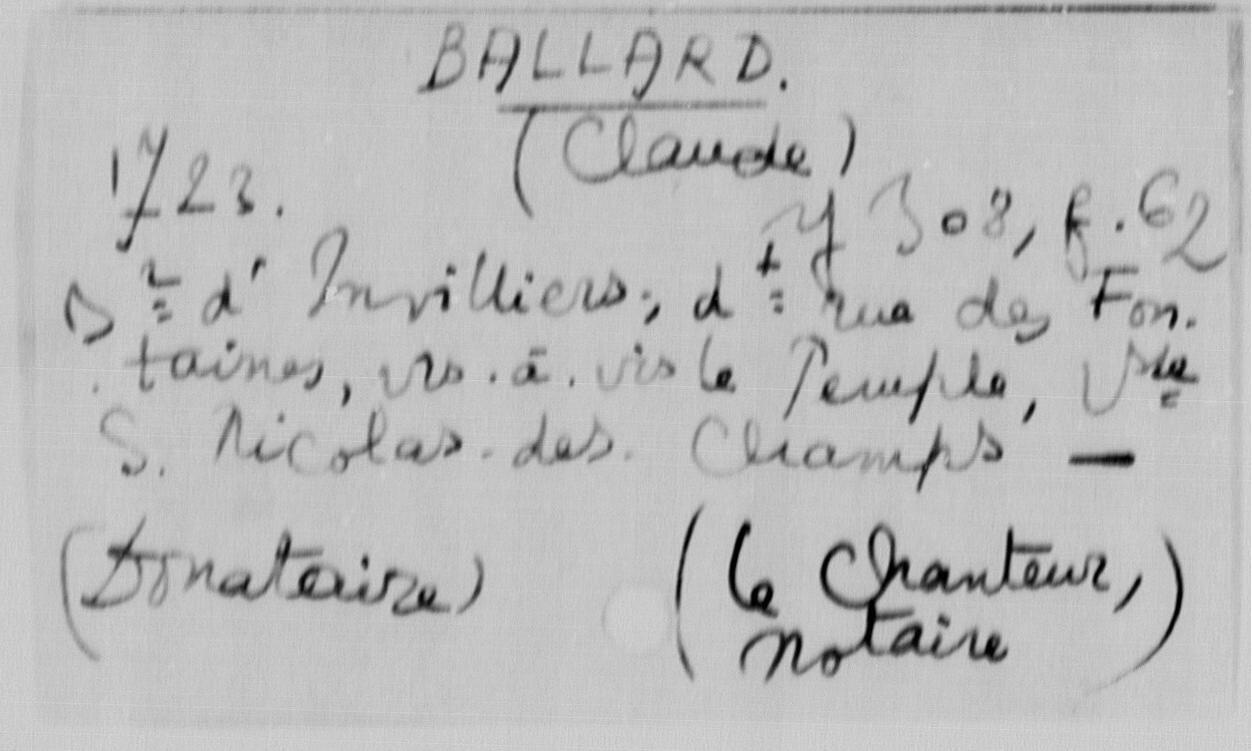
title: BALLARD (Claude)
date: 1723
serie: Y
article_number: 308
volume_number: folio 62
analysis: Seigneur d'Invilliers [Marcoussis], demeurant rue des Fontaines, vis à Vis le Temple, paroisse Saint-Nicolas-des-Champs. Donataire Le Chanteur, notaire
